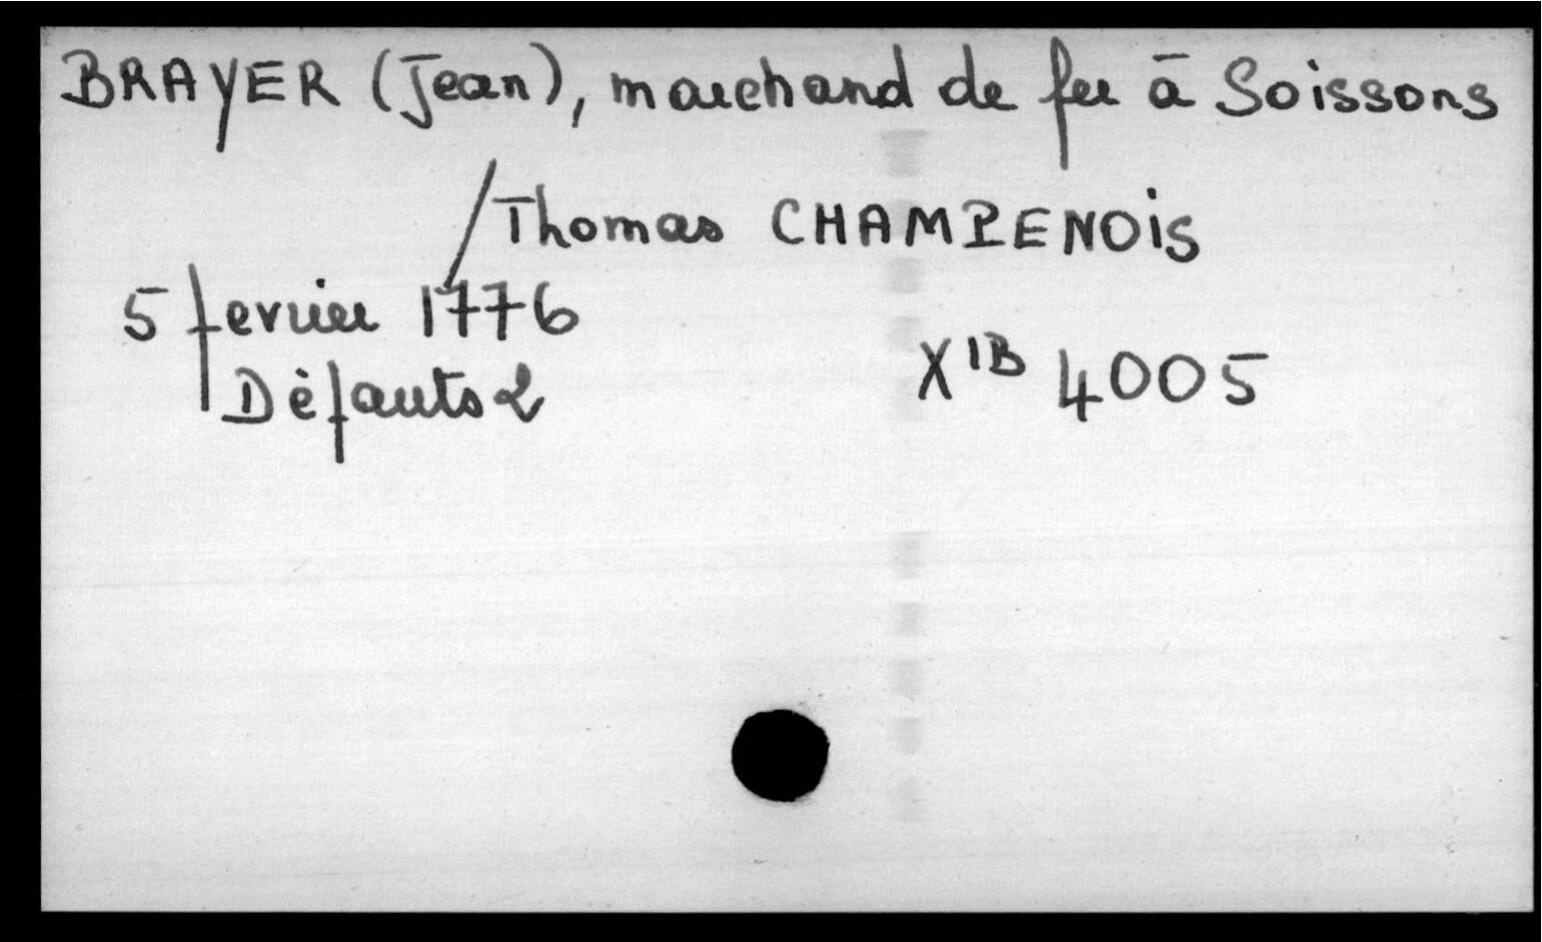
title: BRAYER (Jean), marchand de fer à Soissons
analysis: Contre Thomas CHAMPENOIS
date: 5 février 1776
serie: X1b
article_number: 4005
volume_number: Défauts 2
